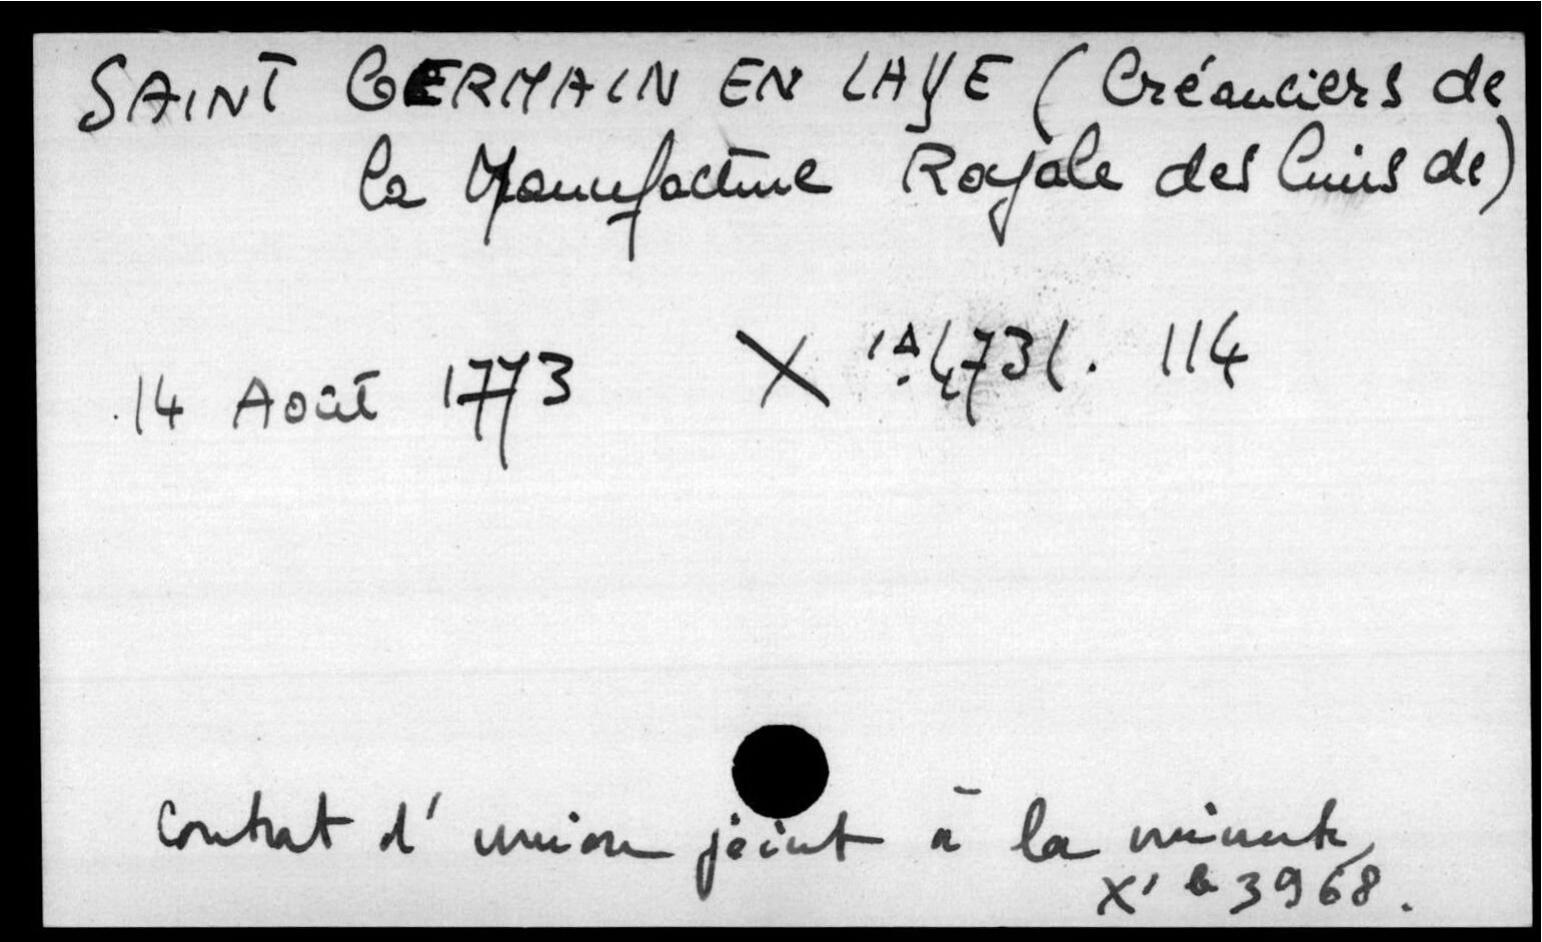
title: SAINT GERMAIN EN LAYE (Créanciers de la manufacture Royale des Cuirs de)
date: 14 août 1773
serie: X1A
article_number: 4731
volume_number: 114
